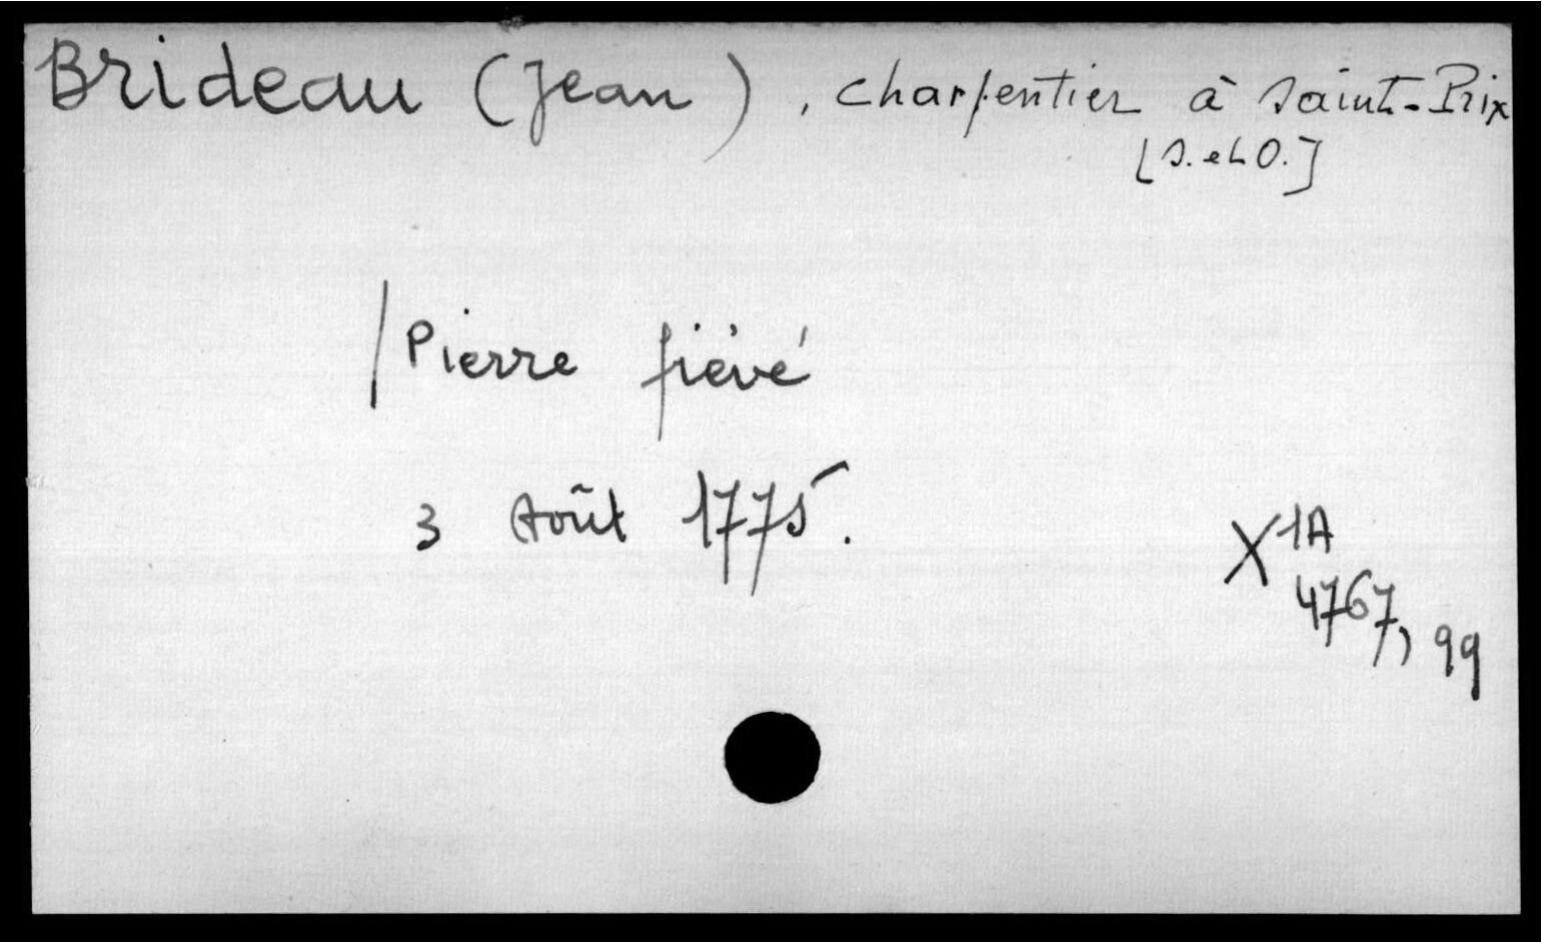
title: BRIDEAU (Jean), charpentier à Saint-Prix [Seine-et-Oise]
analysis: Contre Pierre fiévé
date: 3 août 1775
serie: X1A
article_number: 4767
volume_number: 99
